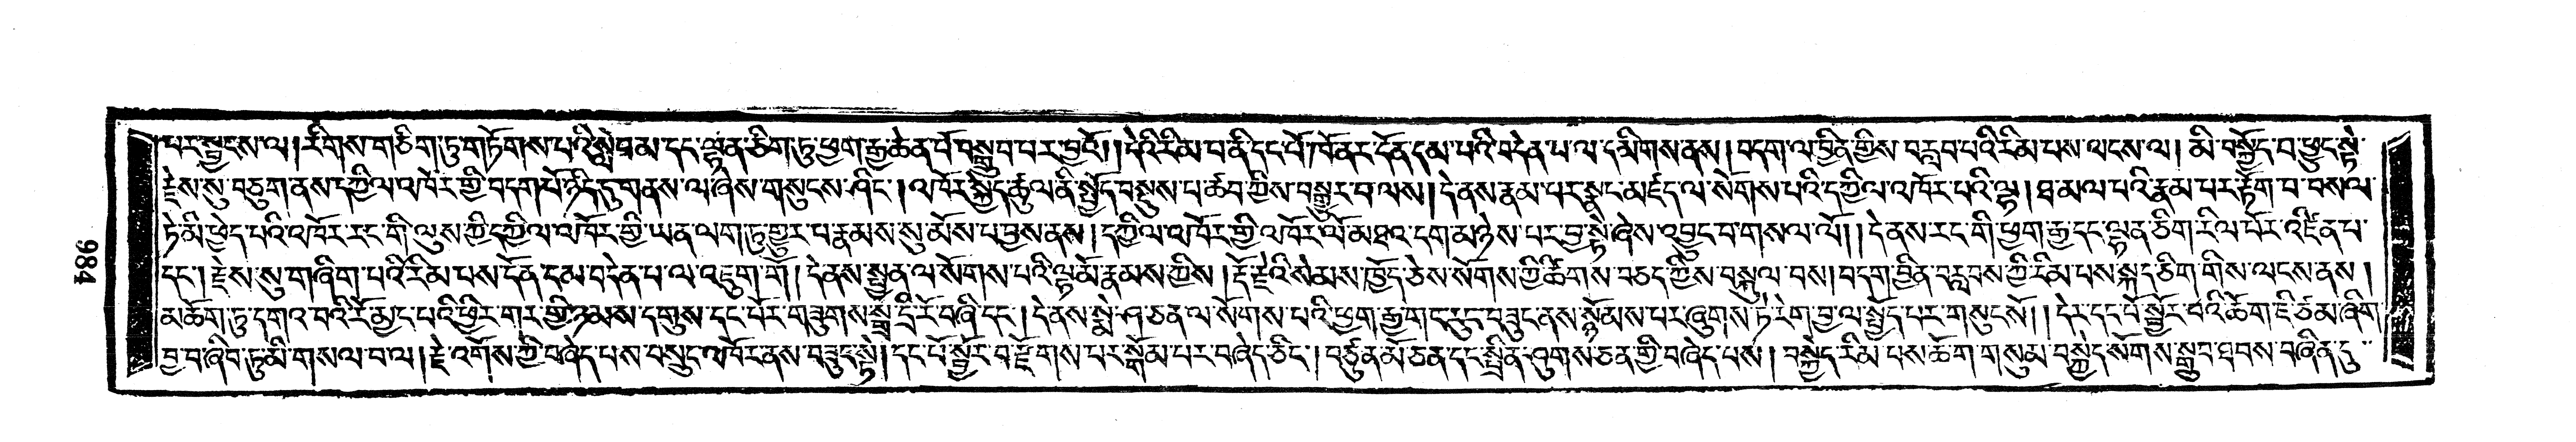པར་སྦྱངས་ལ། རིགས་གཅིག་ཏུ་གཏོགས་པའི་སློབ་མ་དང་ལྷན་ཅིག་ཏུ་ཕྱག་རྒྱ་ཆེན་པོ་བསྒྲུབ་པར་བྱའོ། །དེའི་རིམ་པ་ནི་དང་པོ་ཁོ་ནར་དོན་དམ་པའི་བདེན་པ་ལ་དམིགས་ནས། བདག་ལ་བྱིན་གྱིས་བརླབ་པའི་རིམ་པས་ལངས་ལ། མི་བསྐྱོད་པ་ཕྱུང་སྟེ་
རྗེས་སུ་བཅུག་ནས་དཀྱིལ་འཁོར་གྱི་བདག་པོ་ཉིད་དུ་གནས་ལ་ཞེས་གསུངས་ཤིང་། འཁོར་སྐྱེད་ཚུལ་ནི་སྤྱོད་བསྡུས་པ་ཚབ་ཀྱིས་བསྒྱུར་བ་ལས། དེ་ནས་རྣམ་པར་སྣང་མཛད་ལ་སོགས་པའི་དཀྱིལ་འཁོར་པའི་ལྷ། ཐ་མལ་པའི་རྣམ་པར་རྟོག་པ་བསལ་
ཏེ་མི་ཕྱེད་པའི་འཁོར་རང་གི་ལུས་ཀྱི་དཀྱིལ་འཁོར་གྱི་ཡན་ལག་ཏུ་གྱུར་པ་རྣམས་སུ་མོས་པ་བྱས་ནས། དཀྱིལ་འཁོར་གྱི་འཁོར་ལོ་མཐའ་དག་མཉེས་པར་བྱ་སྟེ་ཞེས་འབྱུང་བ་གསལ་ལོ། །དེ་ནས་རང་གི་ཕྱག་རྒྱ་དང་ལྷན་ཅིག་རིལ་པོར་འཛིན་པ་
དང་། རྗེས་སུ་གཞིག་པའི་རིམ་པས་དོན་དམ་བདེན་པ་ལ་འཇུག་གོ། །དེ་ནས་སྤྱན་ལ་སོགས་པའི་ལྷ་མོ་རྣམས་ཀྱིས། རྡོ་རྗེའི་སེམས་ཁྱོད་ཅེས་སོགས་ཀྱི་ཚིགས་བཅད་ཀྱིས་བསྐུལ་བས། བདག་བྱིན་བརླབས་ཀྱི་རིམ་པས་སྐད་ཅིག་གིས་ལངས་ནས།
མཆོག་ཏུ་དགའ་བའི་རོ་མྱང་བའི་ཕྱིར་གར་གྱི་ཉམས་དགུས་དང་པོར་གཟུགས་སྒྲ་དྲི་རོ་བཞི་དང་། དེ་ནས་སྨེ་ཤ་ཅན་ལ་སོགས་པའི་ཕྱག་རྒྱ་གང་རུང་བཟུང་ནས་སྙོམས་པར་ཞུགས་ཏེ་རེག་བྱ་ལ་སྤྱོད་པར་གསུངས་སོ། །དེར་དང་པོ་སྦྱོར་བའི་ཆོ་ག་ཇི་ཙམ་ཞིག་
བྱ་བ་ཞིབ་ཏུ་མི་གསལ་བ་ལ། རྗེ་འགོས་ཀྱི་བཞེད་པས་བསྲུང་འཁོར་ནས་བཟུང་སྟེ། དང་པོ་སྦྱོར་བ་རྫོགས་པར་སྒོམ་པར་བཞེད་ཅིང་། བཙུན་མོ་ཅན་དང་སྤྲིན་ཤུགས་ཅན་གྱི་བཞེད་པས། བསྐྱེད་རིམ་པས་ཆོ་ག་གསུམ་བསྐྱེད་སོགས་སྒྲུབ་ཐབས་བཞིན་དུ་